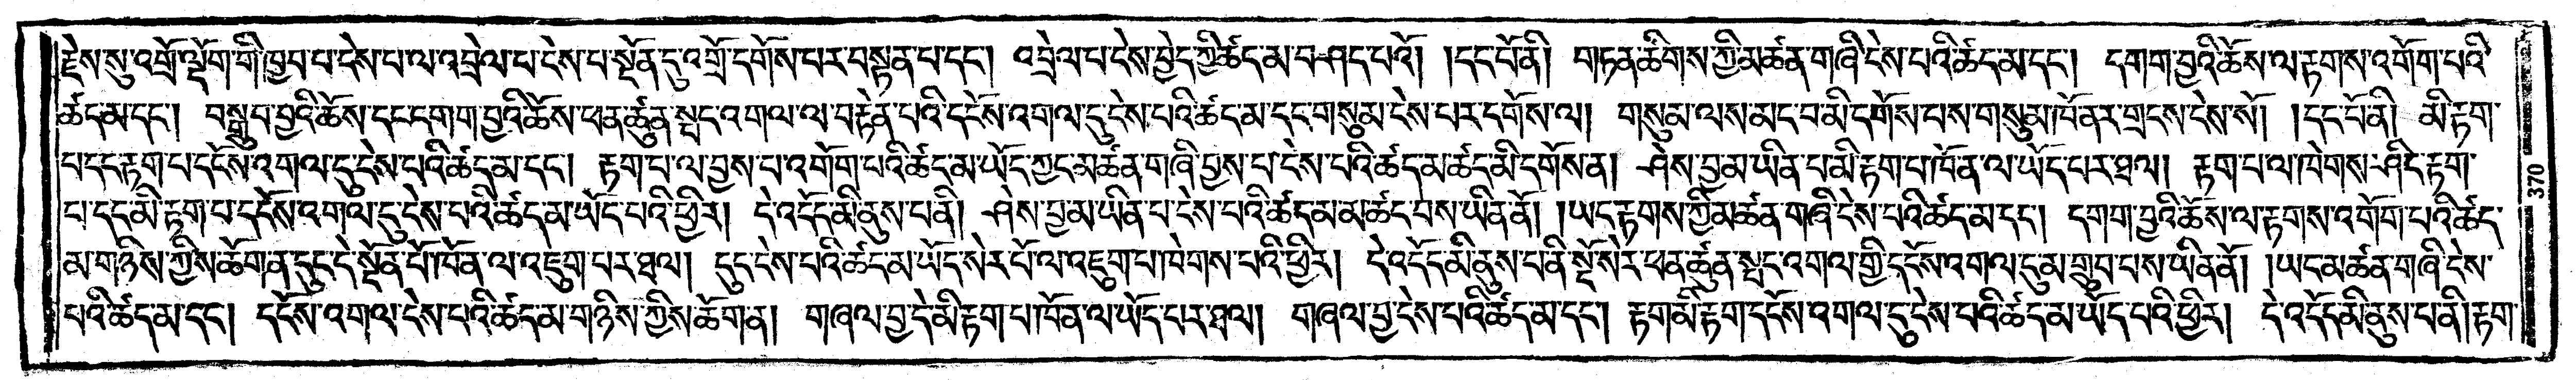རྗེས་སུ་འགྲོ་ལྡོག་གི་ཁྱབ་པ་ངེས་པ་ལ་འབྲེལ་པ་ངེས་པ་སྔོན་དུ་འགྲོ་དགོས་པར་བསྟན་པ་དང་། འབྲེལ་པ་ངེས་བྱེད་ཀྱི་ཚད་མ་བཤད་པའོ། །དང་པོ་ནི། གཏན་ཚིགས་ཀྱི་མཚན་གཞི་ངེས་པའི་ཚད་མ་དང་། དགག་བྱའི་ཆོས་ལ་རྟགས་འགོག་པའི་
ཚད་མ་དང་། བསྒྲུབ་བྱའི་ཆོས་དང་དགག་བྱའི་ཆོས་ཕན་ཚུན་སྤང་འགལ་ལ་བརྟེན་པའི་དངོས་འགལ་དུ་ངེས་པའི་ཚད་མ་དང་གསུམ་ངེས་པར་དགོས་ལ། གསུམ་ལས་མང་བ་མི་དགོས་པས་གསུམ་ཁོ་ནར་གྲངས་ངེས་སོ། །དང་པོ་ནི། མི་རྟག་
པ་དང་རྟག་པ་དངོས་འགལ་དུ་ངེས་པའི་ཚད་མ་དང་། རྟག་པ་ལ་བྱས་པ་འགོག་པའི་ཚད་མ་ཡོད་ཀྱང་མཚན་གཞི་བྱས་པ་ངེས་པའི་ཚད་མ་ཚད་མི་དགོས་ན། ཤེས་བྱ་མ་ཡིན་པ་མི་རྟག་པ་ཁོ་ན་ལ་ཡོད་པར་ཐལ། རྟག་པ་ལ་ཁེགས་ཤིང་རྟག་
པ་དང་མི་རྟག་པ་དངོས་འགལ་དུ་ངེས་པའི་ཚད་མ་ཡོད་པའི་ཕྱིར། དེ་འདོད་མི་ནུས་པ་ནི། ཤེས་བྱ་མ་ཡིན་པ་ངེས་པའི་ཚད་མ་མ་ཚང་བས་ཡིན་ནོ། །ཡང་རྟགས་ཀྱི་མཚན་གཞི་ངེས་པའི་ཚད་མ་དང་། དགག་བྱའི་ཆོས་ལ་རྟགས་འགོག་པའི་ཚད་
མ་གཉིས་ཀྱིས་ཆོག་ན་དུང་དེ་སྔོན་པོ་ཁོ་ན་ལ་འཇུག་པར་ཐལ། དུང་ངེས་པའི་ཚད་མ་ཡོད་སེར་པོ་ལ་འཇུག་པ་ཁེགས་པའི་ཕྱིར། དེ་འདོད་མི་ནུས་པ་ནི་སྔོ་སེར་ཕན་ཚུན་སྤང་འགལ་གྱི་དངོས་འགལ་དུ་མ་གྲུབ་པས་ཡིན་ནོ། །ཡང་མཚན་གཞི་ངེས་
པའི་ཚད་མ་དང་། དངོས་འགལ་ངེས་པའི་ཚད་མ་གཉིས་ཀྱིས་ཆོག་ན། གཞལ་བྱ་དེ་མི་རྟག་པ་ཁོ་ན་ལ་ཡོད་པར་ཐལ། གཞལ་བྱ་ངེས་པའི་ཚད་མ་དང་། རྟག་མི་རྟག་དངོས་འགལ་དུ་ངེས་པའི་ཚད་མ་ཡོད་པའི་ཕྱིར། དེ་འདོད་མི་ནུས་པ་ནི། རྟག་